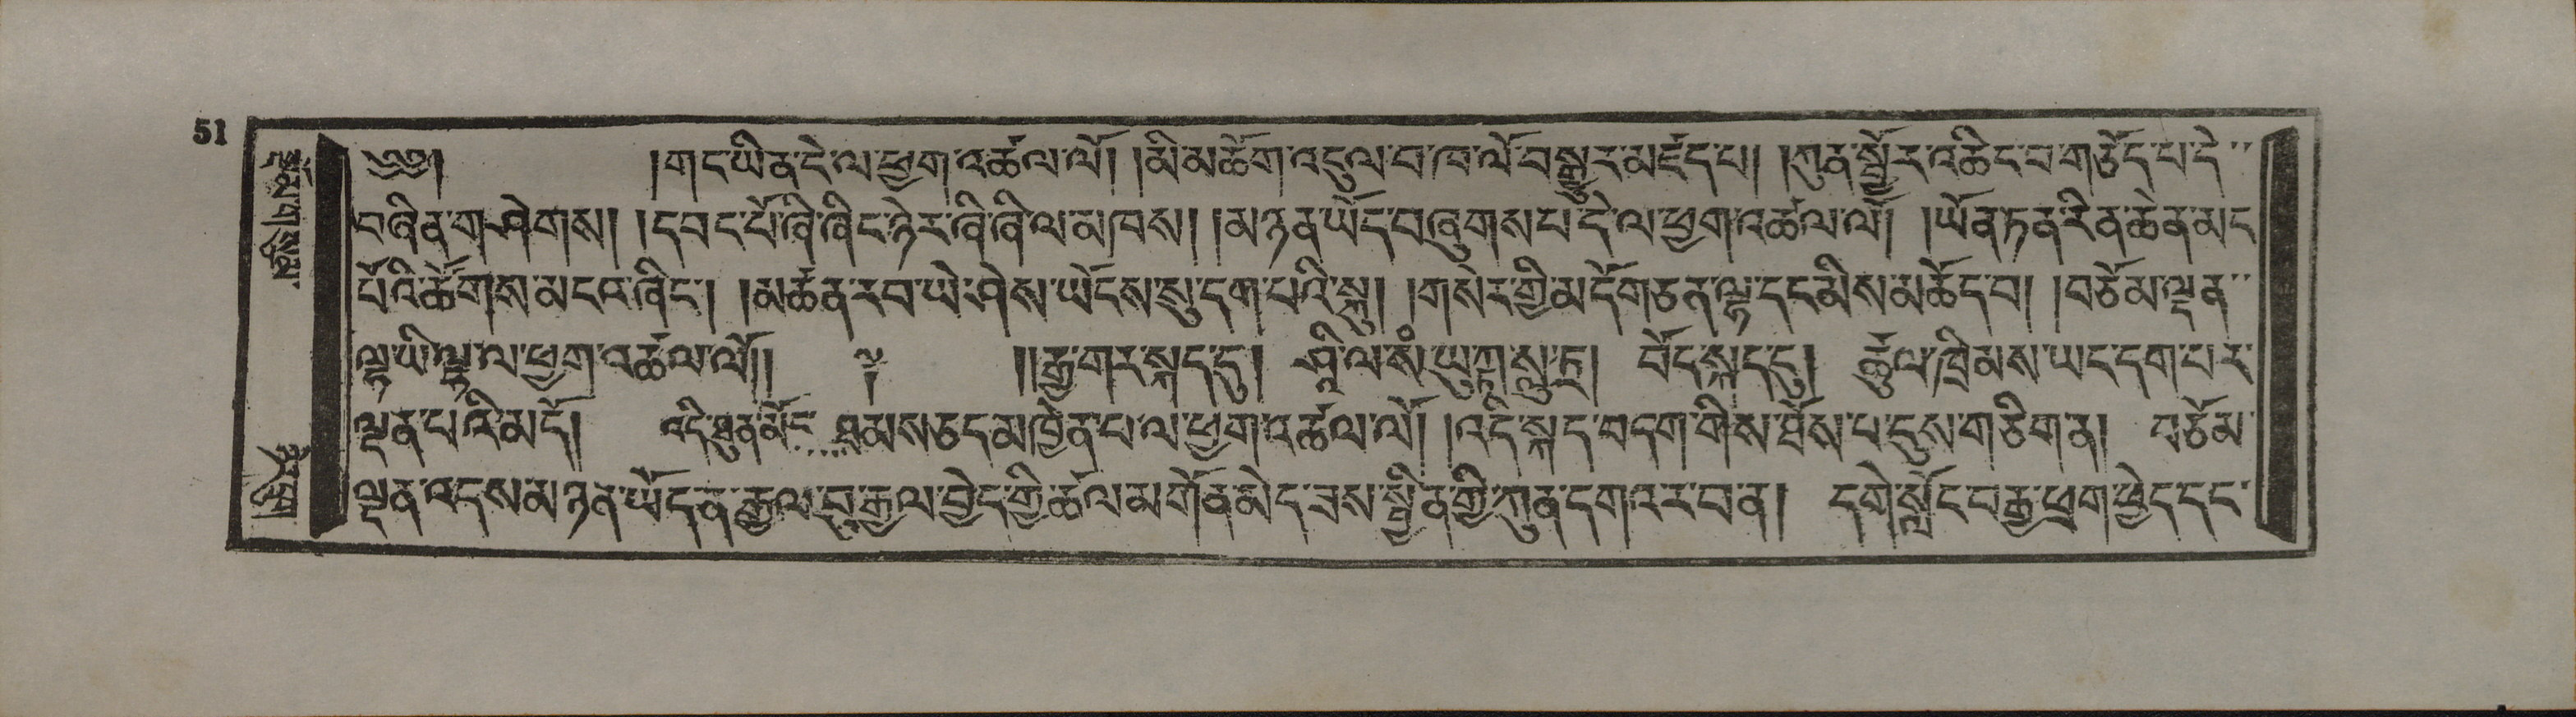༄༅། །གང་ཡིན་དེ་ལ་ཕྱག་འཚལ་ལོ། །མི་མཆོག་འདུལ་བ་ཁ་ལོ་བསྒྱུར་མཛད་པ། །ཀུན་སྦྱོར་འཆིང་པ་གཅོད་པ་དེ་
བཞིན་གཤེགས། །དབང་པོ་ཞི་ཞིང་ཉེར་ཞི་ཞི་ལ་མཁས། །མཉན་ཡོད་བཞུགས་པ་དེ་ལ་ཕྱག་འཚལ་ལོ། །ཡོན་ཏན་རིན་ཆེན་མང་
པོའི་ཚོགས་མངའ་ཞིང་། །མཚན་རབ་ཡེ་ཤེས་ཡོངས་སུ་དག་པའི་སྐུ། །གསེར་གྱི་མདོག་ཅན་ལྷ་དང་མིས་མཆོད་པ། །བཅོམ་ལྡན་
ལྷ་ཡི་ལྷ་ལ་ཕྱག་འཚལ་ལོ།། ༈ །།རྒྱ་གར་སྐད་དུ། ཤཱི་ལ་སཾ་ཡུ་ཀྟ་སཱུ་ཏྲ། བོད་སྐད་དུ། ཚུལ་ཁྲིམས་ཡང་དག་པར་
ལྡན་པའི་མདོ། འདི་ཐུན་མོང་ཐམས་ཅད་མཁྱེན་པ་ལ་ཕྱག་འཚལ་ལོ། །འདི་སྐད་བདག་གིས་ཐོས་པ་དུས་གཅིག་ན། བཅོམ་
ལྡན་འདས་མཉན་ཡོད་ན་རྒྱལ་བུ་རྒྱལ་བྱེད་ཀྱི་ཚལ་མགོན་མེད་ཟས་སྦྱིན་གྱི་ཀུན་དགའ་ར་བ་ན། དགེ་སློང་བརྒྱ་ཕྲག་ཕྱེད་དང་